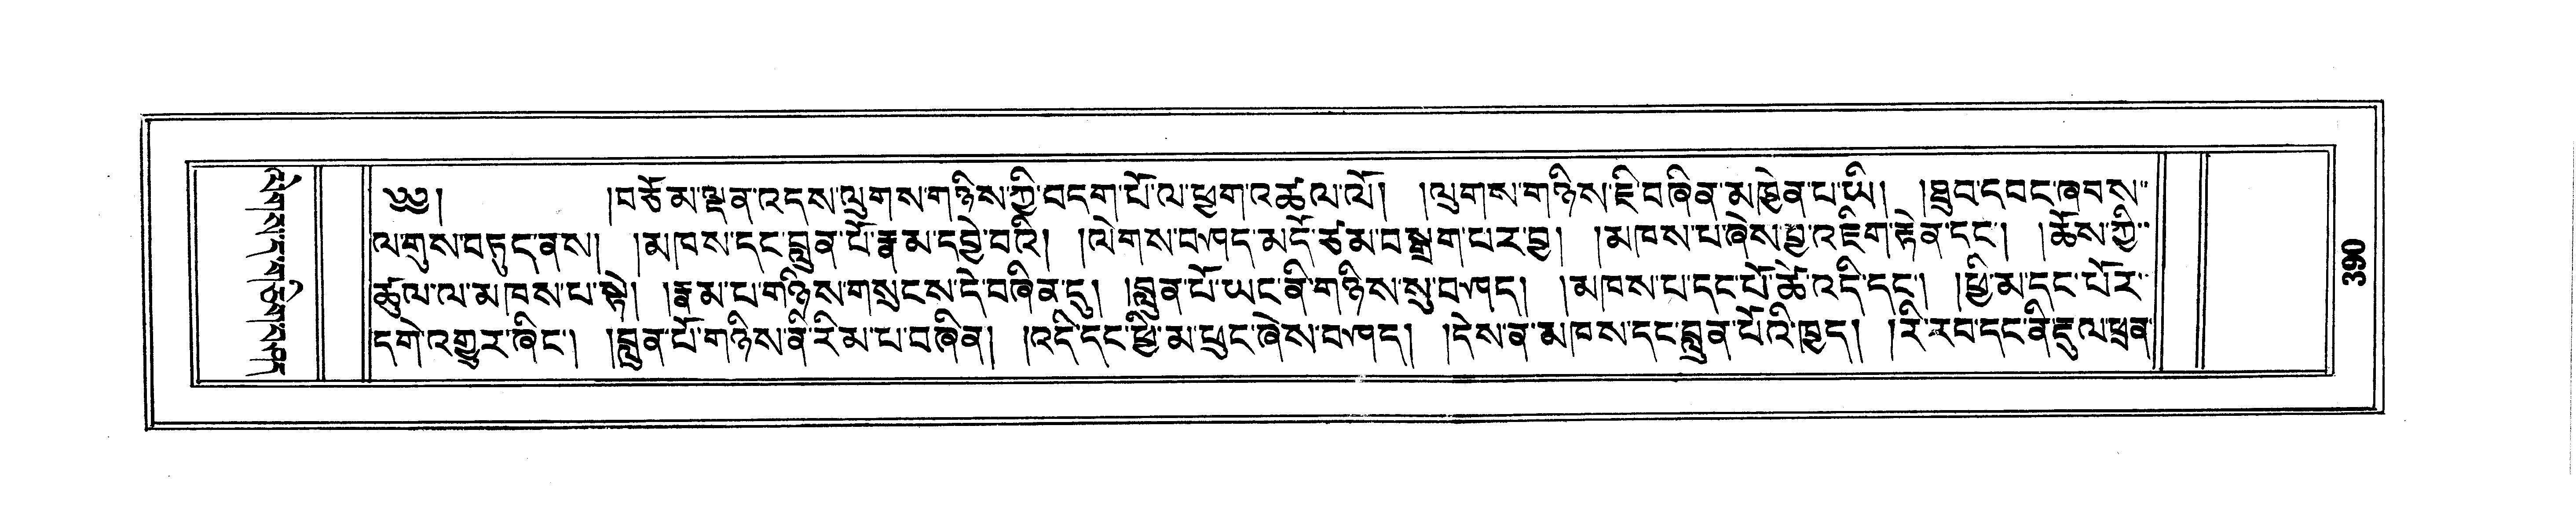༄༅། །བཅོམ་ལྡན་འདས་ལུགས་གཉིས་ཀྱི་བདག་པོ་ལ་ཕྱག་འཚལ་ལོ། །ལུགས་གཉིས་ཇི་བཞིན་མཁྱེན་པ་ཡི། །ཐུབ་དབང་ཞབས་
ལ་གུས་བཏུད་ནས། །མཁས་དང་བླུན་པོ་རྣམ་དབྱེ་བའི། །ལེགས་བཤད་མདོ་ཙམ་བསྒྲག་པར་བྱ། །མཁས་པ་ཞེས་བྱ་འཇིག་རྟེན་དང་། །ཆོས་ཀྱི་
ཚུལ་ལ་མཁས་པ་སྟེ། །རྣམ་པ་གཉིས་གསུངས་དེ་བཞིན་དུ། །བླུན་པོ་ཡང་ནི་གཉིས་སུ་བཤད། །མཁས་པ་དང་པོ་ཚེ་འདི་དང་། །ཕྱི་མ་དང་པོར་
དགེ་འགྱུར་ཞིང་། །བླུན་པོ་གཉིས་ནི་རིམ་པ་བཞིན། །འདི་དང་ཕྱི་མ་ཕུང་ཞེས་བཤད། །དེས་ན་མཁས་དང་བླུན་པོའི་ཁྱད། །རི་རབ་དང་ནི་རྡུལ་ཕྲན་